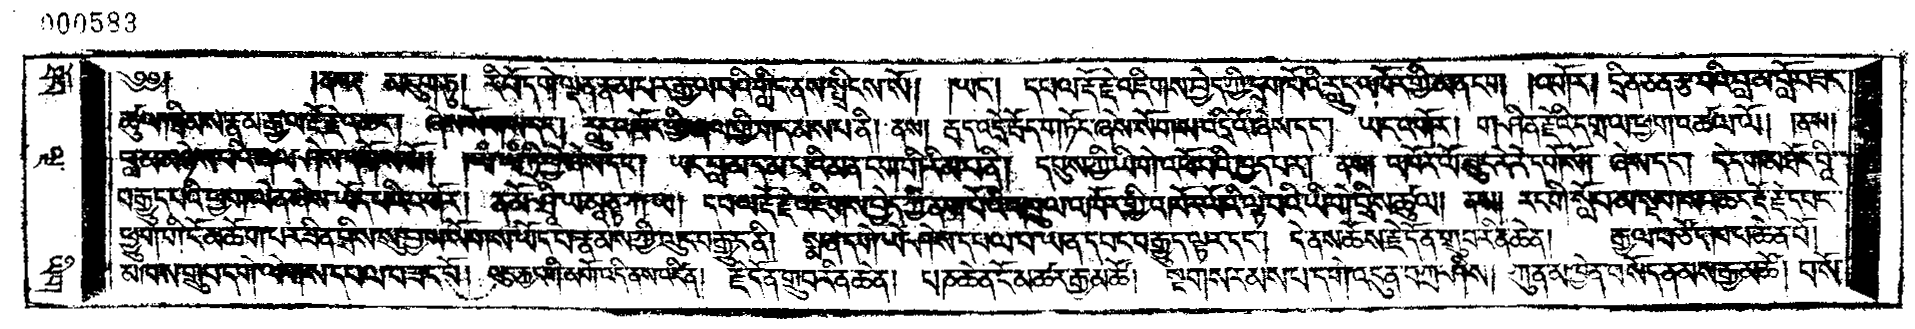༄༅། །ནས༑  མཇུག་ཏུ། རི་བོ་དགེ་ལྡན་རྣམ་པར་རྒྱལ་བའི་གླིང་ནས་སྤྲིངས་སོ། །ཡང་། དཔལ་རྡོ་རྗེ་འཇིགས་བྱེད་ཀྱི་དྲག་པོའི་རླུང་འཁོར་གྱི་མན་ངག །འགོར། དྲིན་ཅན་རྩ་བའི་བླ་མ་བློ་བཟང་
ཚུལ་ཁྲིམས་རྣམ་རྒྱལ་རྡོ་རྗེ་འཆང་། ཞེས་སོགས་དང་། རླུང་འཁོར་གྱི་ཞལ་གྱི་གདམས་པ་ནི། ནས། རྦད་འདྲེ་རྦོད་གཏོང་ཞེས་སོགས་འདྲིའོ་ཞེས་དང་། ཡང་འགོར། གཤིན་རྗེའི་དགྲ་ལ་ཕྱག་འཚལ་ལོ། །ནས།
བླ་མ་མཉེས་པའི་ཞལ་ཤེས་དགོས་སོ། །ཡཾ་ཡཾ་ཏྲི་ཕྱེ་ཞེས་དང་། ཡང་བླ་མ་དམ་པའི་མན་ངག་གི་རིམ་པ་ནི། དབུས་ཀྱི་ཡི་གེ་འཕོ་བའི་ཁྱད་པར། ནས། འཁོར་ལོ་ཟུང་རེ་རེ་དགོསོ། ཞེས་དང་། དེ་དག་མཐོང་བཱི་
བརྒྱུད་པའི་ཕྱག་ལེན་ཞེས་ཡོད་པའི་འགོར། ན་མོ་ཤྲཱི་ཡ་མཱནྟ་ཀ་ཡ། དཔལ་རྡོ་རྗེ་འཇིགས་བྱེད་ཀྱི་ནག་པོའི་འཁྲུལ་འཁོར་གྱི་འཁོར་ལོའི་ལྟེ་བའི་ཡི་གེ་བྲིས་ཚུལ། ནས། རང་གི་སློབ་མ་སྔགས་འཆང་རྡོ་རྗེ་དབང་
ཕྱུག་གི་ངོ་མ་ཆོག་པར་ཟིན་བྲིས་སུ་བྱས་སོགས་ཡོད་པ་རྣམས་ཀྱི་ལུང་བརྒྱུད་ནི། སྨན་དགེ་ཡེ་ཤེས་དཔལ་བ་ཡན་དབང་བརྒྱུད་ལྟར་དང་། དེ་ནས་ཆོས་རྗེ་དོན་གྲུབ་རིན་ཆེན། རྒྱལ་བ་ཙོང་ཁ་པ་ཆེན་པོ།
མཁས་གྲུབ་དགེ་ལེགས་དཔལ་བཟང་པོ་ལུང་རྐྱང་གི་མགོ་འདི་ནས་འཛིན།  རྗེ་དོན་གྲུབ་རིན་ཆེན། པཎ་ཆེན་ངོ་མཚར་རྒྱ་མཚོ། སྔགས་རམས་པ་དགེ་འདུན་བཀྲ་ཤིས། ཀུན་མཁྱེན་བསོད་ནམས་རྒྱ་མཚོ། བ་སོ་